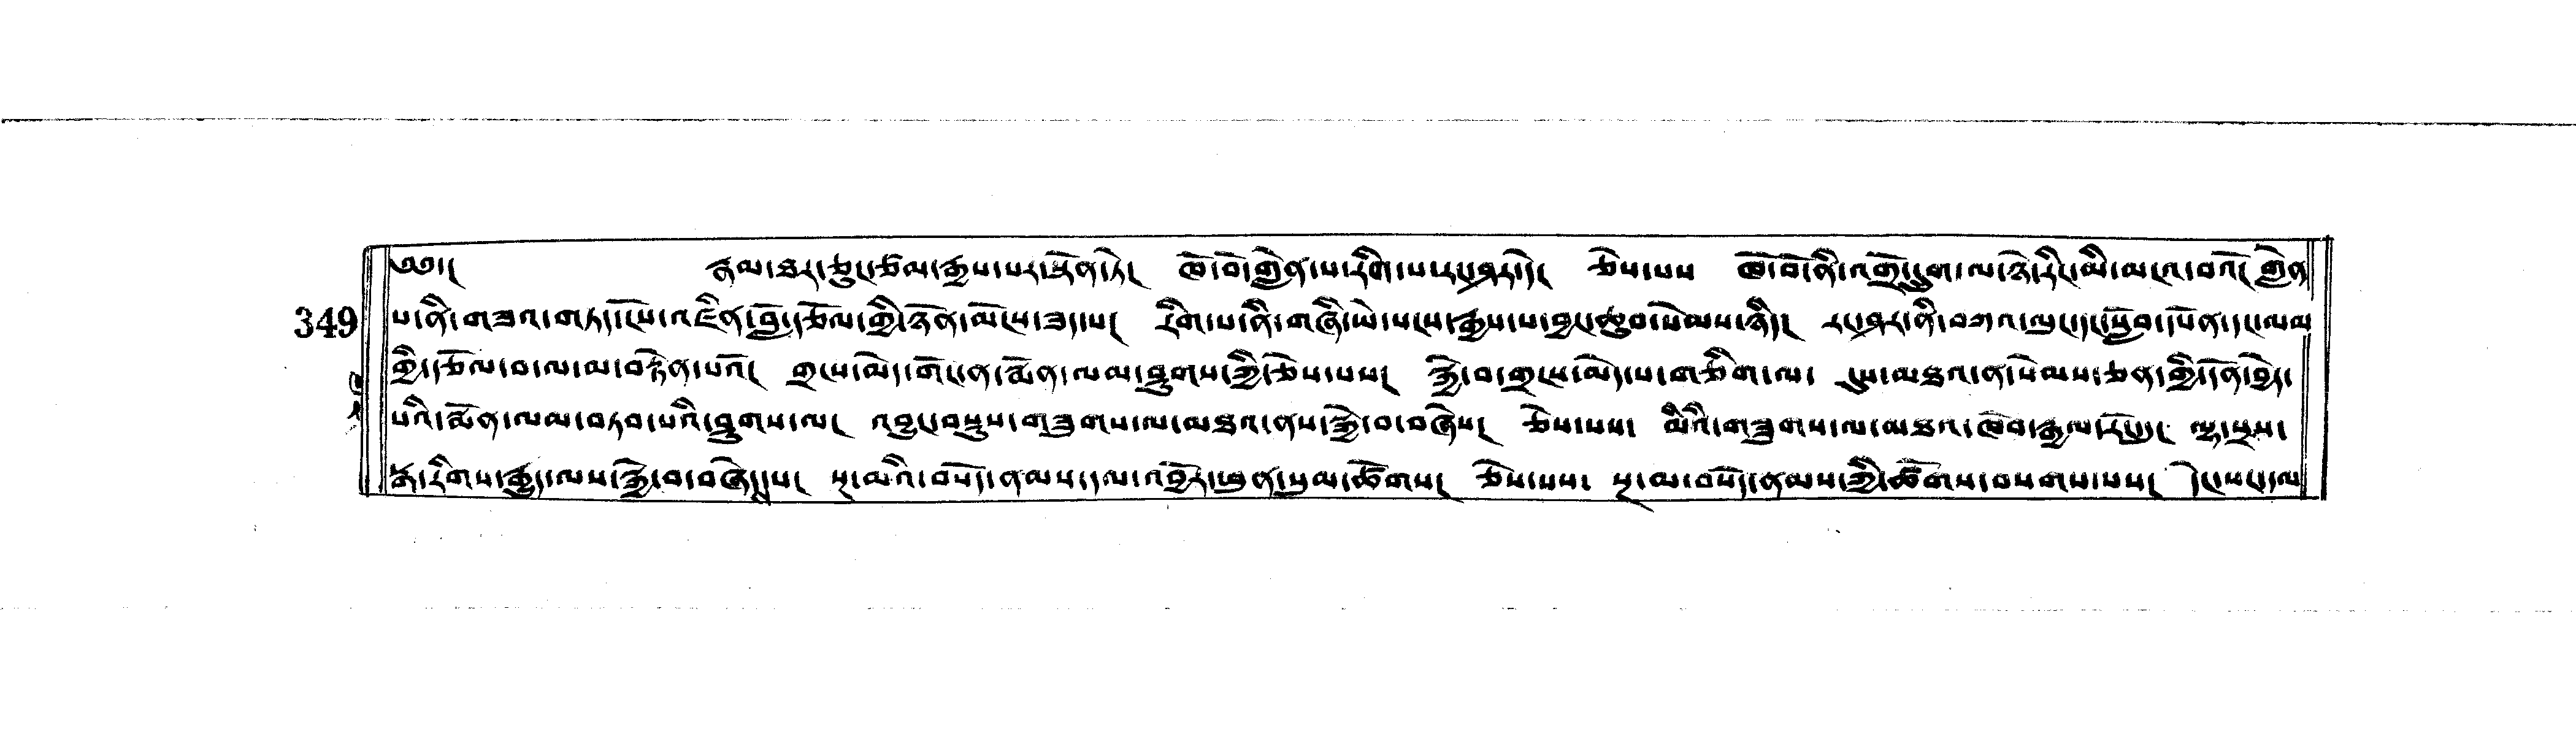རྣམ་ཐར་ཅུང་ཙམ་རྒྱས་པར་སྟོན་ཏེ། ཁོ་བོ་གླེན་པ་རིག་པ་རང་ཤར་ཏེ། ཅེས་པས་ཁོ་བོ་ནི་འགྲོ་དྲུག་ལ་ཉེ་རིང་མི་མངའ་བའོ། གླེན་
པ་ནི་གཟའ་གཏད་ངོས་འཛིན་བློ་རྩོལ་གྱི་ཉོན་མོངས་ཟད་པ། རིག་པ་ནི་གཞི་ཡེ་སངས་རྒྱས་པ་བྱང་ཆུབ་སེམས་ཉིད། རང་ཤར་ནི་བཀའ་ལུང་སློབ་དཔོན་དང་ལམ་
གྱི་རྩོལ་བ་མ་བརྟེན་པའོ། གྲངས་མེད་གོང་ན་སྨོན་ལམ་ཤུགས་ཀྱི་ཅེས་པས། སྐྱེ་བ་གྲངས་མེད་པ་གཅིག་ལ་དུས་མཐའ་ན་སེམས་ཅན་གྱི་དོན་བྱེད་
པའི་སྨོན་ལམ་བཏབ་པའི་ཤུགས་ལ། འབྱུང་བསྡུས་གཟུགས་ལ་མཐའ་ནས་སྐྱེ་བ་བཞེས་པ། 
སྔ་མའི་སྐྱེ་བ་དལ་འབྱོར་ཕུན་སུམ་ཚོགས། ཅེས་པས། སྔ་མ་བསོད་ནམས་ཀྱི་ཚོགས་བསགས་པས། དེང་སང་དལ་བ་